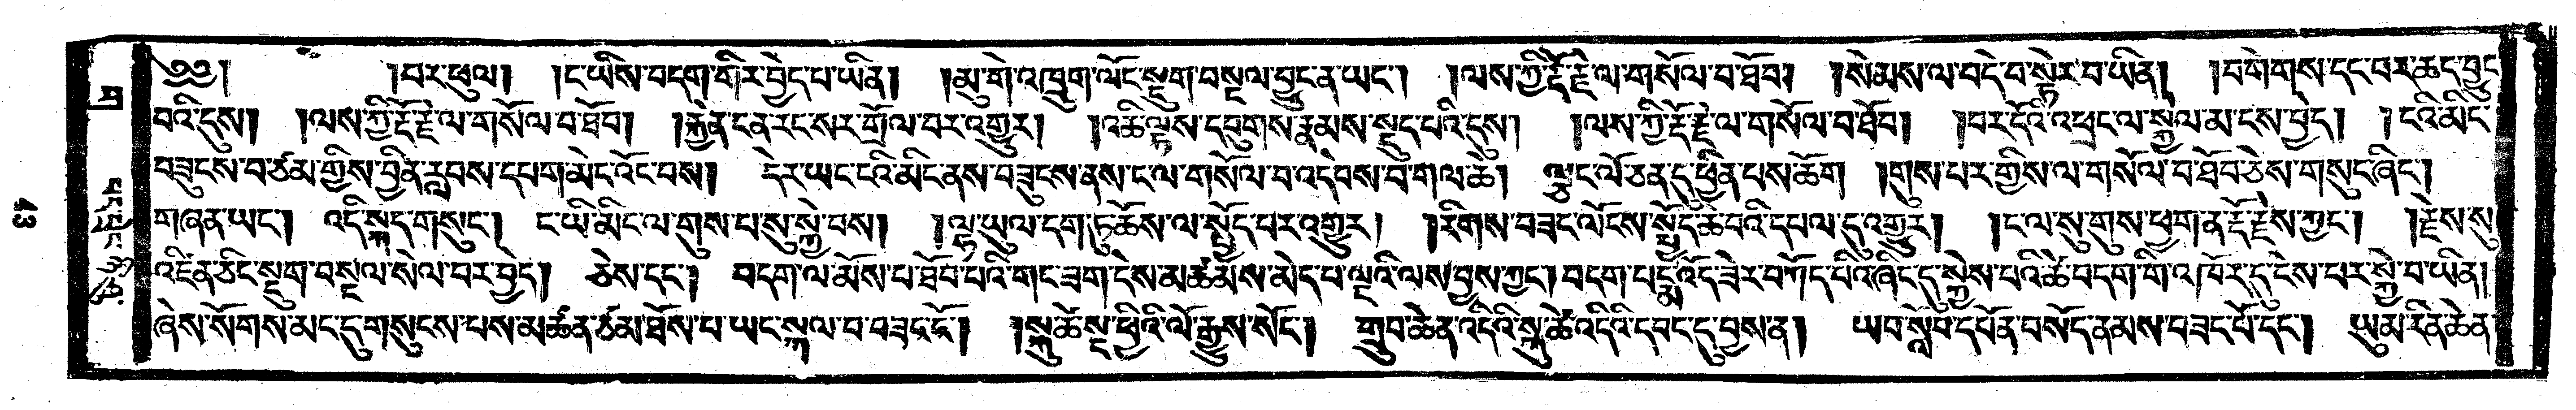༄༅། །བར་ཕུལ། །ང་ཡིས་བདག་གིར་བྱེད་པ་ཡིན། །མུ་གེ་འཁྲུག་ལོང་སྡུག་བསྔལ་བྱུང་ན་ཡང་། །ལས་ཀྱི་རྡོ་རྗེ་ལ་གསོལ་བ་ཐོབ། །སེམས་ལ་བདེ་བ་སྟེར་བ་ཡིན། །བགེགས་དང་བར་ཆད་བྱུང་
བའི་དུས། །ལས་ཀྱི་རྡོ་རྗེ་ལ་གསོལ་བ་ཐོབ། །རྐྱེན་ངན་རང་སར་གྲོལ་བར་འགྱུར། །འཆི་ལྟས་དབུགས་རྣམས་སྡུད་པའི་དུས། །ལས་ཀྱི་རྡོ་རྗེ་ལ་གསོལ་བ་ཐོབ། །བར་དོའི་འཕྲང་ལ་སྐྱེལ་མ་ངས་བྱེད། །ངའི་མིང་
བཟུངས་བ་ཙམ་གྱིས་བྱིན་རླབས་དཔག་མེད་འོང་བས། དེར་ཡང་ངའི་མིང་ནས་བཟུངས་ནས་ང་ལ་གསོལ་བ་འདེབས་བ་གལ་ཆེ། ལྕང་ལོ་ཅན་དུ་ཕྱིན་པས་ཆོག །གུས་པར་གྱིས་ལ་གསོལ་བ་ཐོབ་ཅེས་གསུང་ཞིང་།
གཞན་ཡང་། འདི་སྐད་གསུང་། ང་ཡི་མིང་ལ་གུས་པ་སུ་སྐྱེ་བས། །ལྷ་ཡུལ་དག་ཏུ་ཆོས་ལ་སྤྱོད་པར་འགྱུར། །རིགས་བཟང་ལོངས་སྤྱོད་ཆེ་བའི་དཔལ་དུ་འགྱུར། །ང་ལ་སུ་གུས་ཕྱག་ན་རྡོ་རྗེས་ཀྱང་། །རྗེས་སུ་
འཛིན་ཅིང་སྡུག་བསྔལ་སེལ་བར་བྱེད། ཅེས་དང་། བདག་ལ་མོས་པ་ཐོབ་པའི་གང་ཟག་དེས་མཚམས་མེད་པ་ལྔའི་ལས་བྱས་ཀྱང་། བདག་པདམ་འོད་ཟེར་བཀོད་པའི་ཞིང་དུ་སྐྱེས་པའི་ཚེ་བདག་གི་འཁོར་དུ་ངེས་པར་སྐྱེ་བ་ཡིན།
ཞེས་སོགས་མང་དུ་གསུངས་པས་མཚན་ཙམ་ཐོས་པ་ཡང་སྐལ་བ་བཟང་ངོ། །སྐུ་ཚེ་སྔ་ཕྱིའི་ལོ་རྒྱུས་སོང་། གྲུབ་ཆེན་འདིའི་སྐུ་ཚེ་འདིའི་དབང་དུ་བྱས་ན། ཡབ་སློབ་དཔོན་བསོད་ནམས་བཟང་པོ་དང་། ཡུམ་རིན་ཆེན་